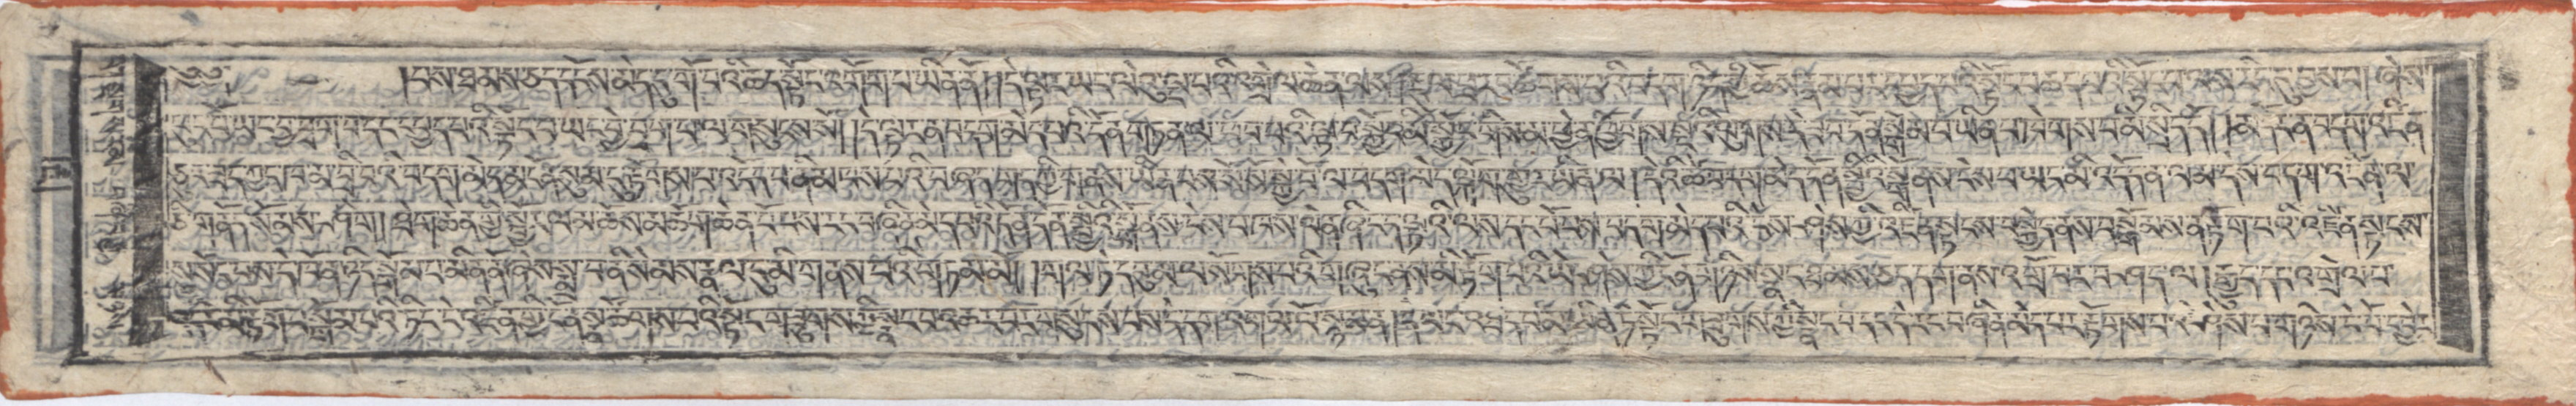༄༅། །པས་ཐམས་ཅད་དངོས་མེད་དུ་གོ་བའི་ཆད་སྟོང་འགོག་པ་ཡིན་ནོ། །དེ་ལྟར་ཡང་ལེའུ་ལྔ་པའི་འགྲེལ་ཆེན་ལས། རྡུལ་ཕྲ་རབ་ཚོགས་པའི་བདག་ཉིད་ཀྱི་ཆོས་རྣམ་པར་དཔྱད་པའི་སྟོང་པ་ཆད་པའི་སྟོང་པ་ལས་རིང་དུ་བྱས་པ། ཞེས་
ཕུང་པོ་ཡང་བྱེ་བྲག་པ་དང་དཔྱད་པའི་སྟོང་པ་ཡང་བྱེ་བྲག་པ་ལ་གསུངས་སོ། །དེ་ལྟར་ན་བདག་མེད་པའི་དོན་གཏན་ལ་ཕབ་པའི་ལྟ་བ་སྐྱོང་མི་སྐྱོང་གིས་མ་ཕྱེ་ན་ཕྱོགས་སྔའི་ལུགས་དེ་ཟབ་དོན་སྒོམ་པ་ཡིན་པ་ཁེགས་པ་མི་སྲིད་དོ། །མདོར་ན་བདག་འཛིན་
ཅུང་ཟད་ཀྱང་ཁ་མ་བྲི་བའི་བདག་མེད་མངོན་སུམ་དུ་རྟོགས་པ་འདོད་པ་ནི་མཁས་པའི་བཞད་གད་ཀྱི་གནས་ཡིན་པས་སོ་སོ་སྐྱེ་བོ་ལ་བདག་མེད་ལྐོག་གྱུར་ཡིན་ལ། དེའི་ཚེ་བདག་མེད་དོན་སྤྱིའི་སྒོ་ནས་ངེས་པ་ཡང་མི་འདོད་ན་ལམ་དེས་བདག་འཛིན་ལ་
ཅི་གནོད་སོམས་ཤིག །ཐེག་ཆེན་གྱི་སྦྱོར་ལམ་ཆོས་མཆོག་ཆེན་པོ་པས་རང་བཞིན་མེད་པའི་དོན་དོན་སྤྱིའི་སྒོ་ནས་ངེས་པ་ཁས་ལེན་ཞིང་ད་ལྟའི་ལས་དང་པོ་བས་བདག་མེད་པའི་ངེས་ཤེས་ཀྱི་འཛིན་སྟངས་བསྐྱེད་ནས་བསྒོམས་ན་རྟོག་པའི་འཛིན་སྟངས་
སུ་སོང་བས་དེ་ཁོ་ན་ཉིད་སྒོམ་པ་མིན་ནོ་ཞེས་སྨྲ་བ་ནི་སེམས་རྣལ་དུ་མི་གནས་པའི་གཏམ་མོ། །གལ་ཏེ་དབུ་མ་ལ་སོགས་པའི་གཞུང་ནས་མི་རྟོག་པའི་ཡེ་ཤེས་ཀྱི་ངོན་གཉིས་སྣང་ཐམས་ཅད་དག་ནས་འགྲོ་བར་བཤད་ལ། རྒྱུད་དང་འགྲེལ་པ་
འདིར་མི་རྟོག་བསྒོམ་པའི་ཏིང་ངེ་འཛིན་གྱི་ངོན་སྣ་ཚོགས་པའི་སྟོང་གཟུགས་ཀྱི་སྣང་བ་འཆར་བར་གསུངས་པས་དེ་དག་འགལ་ལོ་སྙམ་ན། དེ་ཡང་འཐད་པ་མ་ཡིན་ཏེ་སྟོང་གཟུགས་ཀྱི་སྣང་བ་དང་དེ་རང་བཞིན་མེད་པར་རྟོགས་པའི་ཤེས་པ་གཉིས་ངོ་བོ་དབྱེར་